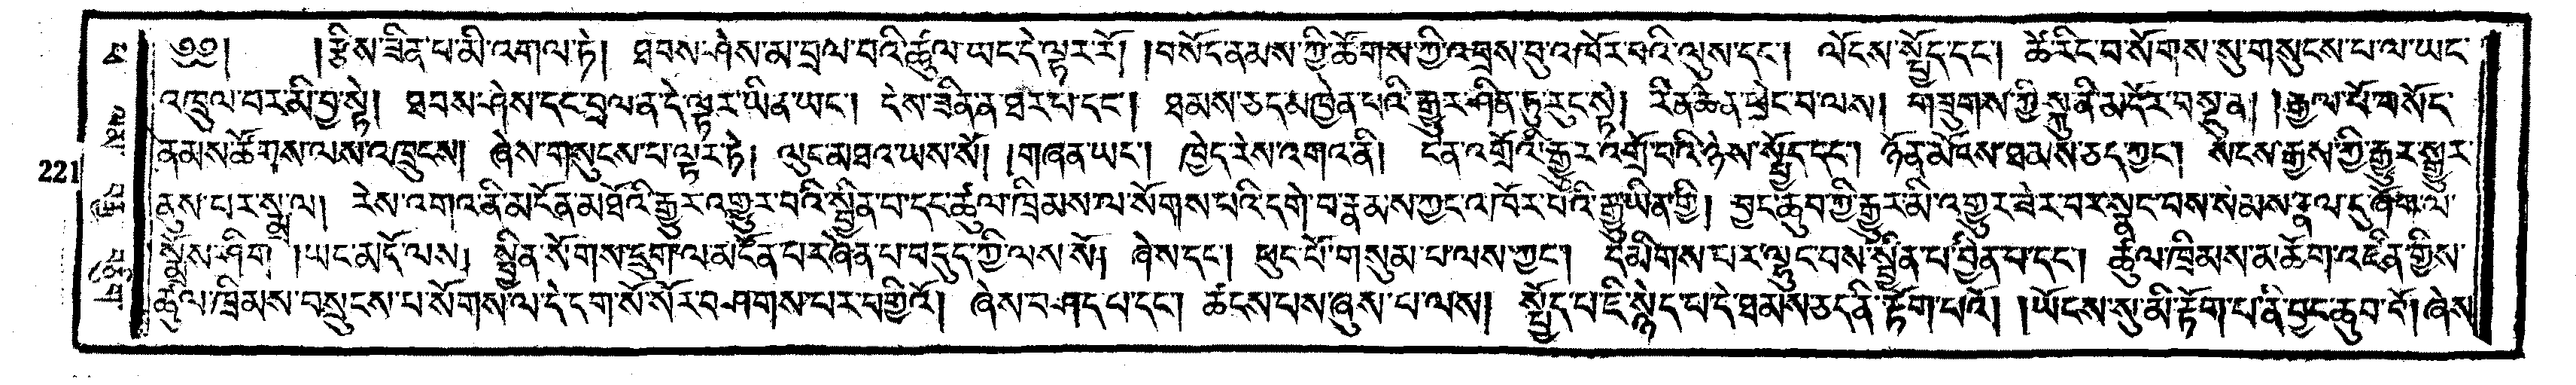༄༅། །རྩིས་ཟིན་པ་མི་འགལ་ཏེ། ཐབས་ཤེས་མ་བྲལ་བའི་ཚུལ་ཡང་དེ་ལྟར་རོ། །བསོད་ནམས་ཀྱི་ཚོགས་ཀྱི་འབྲས་བུ་འཁོར་བའི་ལུས་དང་། ལོངས་སྤྱོད་དང་། ཚེ་རིང་བ་སོགས་སུ་གསུངས་པ་ལ་ཡང་
འཁྲུལ་བར་མི་བྱ་སྟེ། ཐབས་ཤེས་དང་བྲལ་ན་དེ་ལྟར་ཡིན་ཡང་། དེས་ཟིན་ན་ཐར་པ་དང་། ཐམས་ཅད་མཁྱེན་པའི་རྒྱུར་ཤིན་ཏུ་རུང་སྟེ། རིན་ཆེན་ཕྲེང་བ་ལས། གཟུགས་ཀྱི་སྐུ་ནི་མདོར་བསྡུ་ན། །རྒྱལ་པོ་གསོད་
ནམས་ཚོགས་ལས་འཁྲུངས། ཞེས་གསུངས་པ་ལྟར་ཏེ། ལུང་མཐའ་ཡས་སོ། །གཞན་ཡང་། ཁྱེད་རེས་འགའ་ནི། ངན་འགྲོའི་རྒྱུར་འགྲོ་བའི་ཉེས་སྤྱོད་དང་། ཉོན་མོངས་ཐམས་ཅད་ཀྱང་། སངས་རྒྱས་ཀྱི་རྒྱུར་སྒྱུར་
ནུས་པར་སྨྲ་ལ། རེས་འགའ་ནི་མངོན་མཐོའི་རྒྱུར་འགྱུར་བའི་སྦྱིན་པ་དང་ཚུལ་ཁྲིམས་ལ་སོགས་པའི་དགེ་བ་རྣམས་ཀྱང་འཁོར་བའི་རྒྱུ་ཡིན་གྱི། བྱང་ཆུབ་ཀྱི་རྒྱུར་མི་འགྱུར་ཟེར་བར་སྣང་བས་སེམས་རྣལ་དུ་ཞོག་ལ་
སྨྲོས་ཤིག །ཡང་མདོ་ལས། སྦྱིན་སོགས་དྲུག་ལ་མངོན་པར་ཞེན་པ་བདུད་ཀྱི་ལས་སོ། ཞེས་དང་། ཕུང་པོ་གསུམ་པ་ལས་ཀྱང་། དམིགས་པར་ལྷུང་བས་སྦྱིན་པ་བྱིན་པ་དང་། ཚུལ་ཁྲིམས་མཆོག་འཛིན་གྱིས་
ཚུལ་ཁྲིམས་བསྲུངས་པ་སོགས་ལ་དེ་དག་སོ་སོར་བཤགས་པར་བགྱིའོ། ཞེས་བཤད་པ་དང་། ཚངས་པས་ཞུས་པ་ལས། སྤྱོད་པ་ཇི་སྙེད་པ་དེ་ཐམས་ཅད་ནི་རྟོག་པའོ། །ཡོངས་སུ་མི་རྟོག་པ་ནི་བྱང་ཆུབ་བོ། ཞེས་